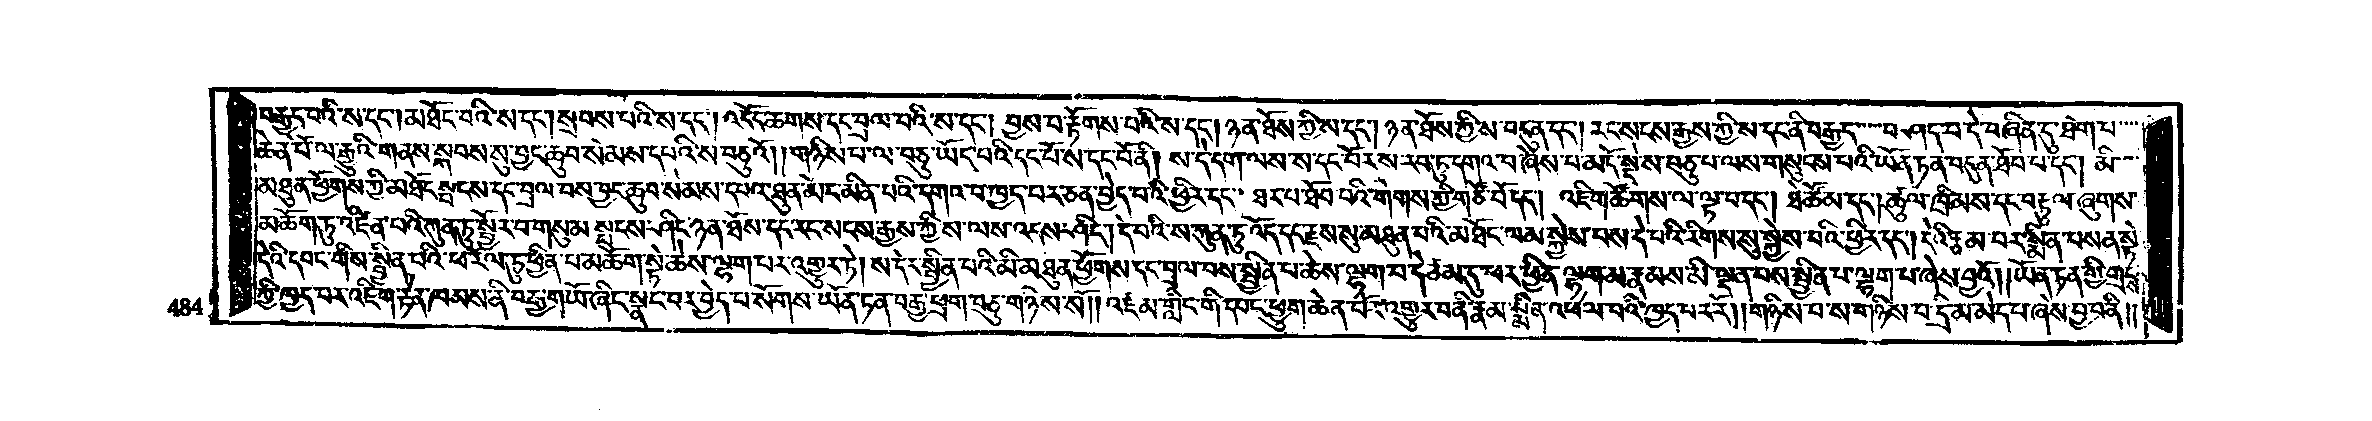བརྒྱད་པའི་ས་དང་། མཐོང་བའི་ས་དང་། སྲབས་པའི་ས་དང་། འདོད་ཆགས་དང་བྲལ་བའི་ས་དང་། བྱས་པ་རྟོགས་པའི་ས་དང་། ཉན་ཐོས་ཀྱི་ས་དང་། ཉན་ཐོས་ཀྱི་ས་བདུན་དང་། རང་སངས་རྒྱས་ཀྱི་ས་དང་ནི་བརྒྱད་བཤད་པ་དེ་བཞིན་དུ་ཐེག་པ་
ཆེན་པོ་ལ་རྒྱུའི་གནས་སྐབས་སུ་བྱང་ཆུབ་སེམས་དཔའི་ས་བཅུའོ། །གཉིས་པ་ལ་བཅུ་ཡོད་པའི་དང་པོ་ས་དང་པོ་ནི། ས་དེ་དག་ལས་ས་དང་པོར་ས་རབ་ཏུ་དགའ་བ་ཞེས་པ་མདོ་སྡེ་ས་བཅུ་པ་ལས་གསུངས་པའི་ཡོན་ཏན་བདུན་ཐོབ་པ་དང་། མི་
མཐུན་ཕྱོགས་ཀྱི་མཐོང་སྤངས་དང་བྲལ་བས་བྱང་ཆུབ་སེམས་དཔའ་ཐུན་མོང་མིན་པའི་དགའ་བ་ཁྱད་པར་ཅན་བྱེད་པའི་ཕྱིར་དང་ཐར་པ་ཐོབ་པའི་གེགས་ཀྱི་གཙོ་བོ་དང་། འཇིག་ཚོགས་ལ་ལྟ་བ་དང་། ཐེ་ཚོམ་དང་། ཚུལ་ཁྲིམས་དང་བརྟུལ་ཞུགས་
མཆོག་ཏུ་འཛིན་པའི་ཀུན་ཏུ་སྦྱོར་བ་གསུམ་སྤངས་ཤིང་ཉན་ཐོས་དང་རང་སངས་རྒྱས་ཀྱི་ས་ལས་འདས་ཤིང་། དེ་བའི་ས་ཀུན་ཏུ་འོད་དང་རྗས་སུ་མཐུན་པའི་མཐོང་ལམ་སྐྱེས་པས་དེ་བའི་རིགས་སུ་སྐྱེས་པའི་ཕྱིར་དང་། དེའི་རྩམ་པར་སྨིན་པས་ན་སྟེ་
དེའི་དབང་གིས་སྦྱིན་པའི་ཕ་རོལ་ཏུ་ཕྱིན་པ་མཆོག་སྟེ་ཆེས་ལྷག་པར་འགྱུར་ཏེ། ས་དེར་སྦྱིན་པའི་མི་མཐུན་ཕྱོགས་དང་བྲལ་བས་སྦྱིན་པ་ཆེས་ལྷག་པ་དེ་ཙམ་དུ་ཕར་ཕྱིན་ལྷག་མ་རྣམས་མི་ལྡན་པས་སྦྱིན་པ་ལྷག་པ་ཞེས་བྱའོ། །ཡོན་ཏན་གྱི་གྲངས་
ཀྱི་ཁྱད་པར་འཇིག་རྟེན་ཁམས་ནི་བརྒྱ་གཡོ་ཞིང་སྣང་བར་བྱེད་པ་སོགས་ཡོན་ཏན་བརྒྱ་ཕྲག་བཅུ་གཉིས་སོ། །འཛམ་གླིང་གི་དབང་ཕྱུག་ཆེན་པོར་འགྱུར་བ་ནི་རྣམ་སྨིན་འཕེལ་བའི་ཁྱད་པར་རོ། །གཉིས་པ་ས་གཉིས་པ་དྲི་མ་མེད་པ་ཞེས་བྱ་བ་ནི། །